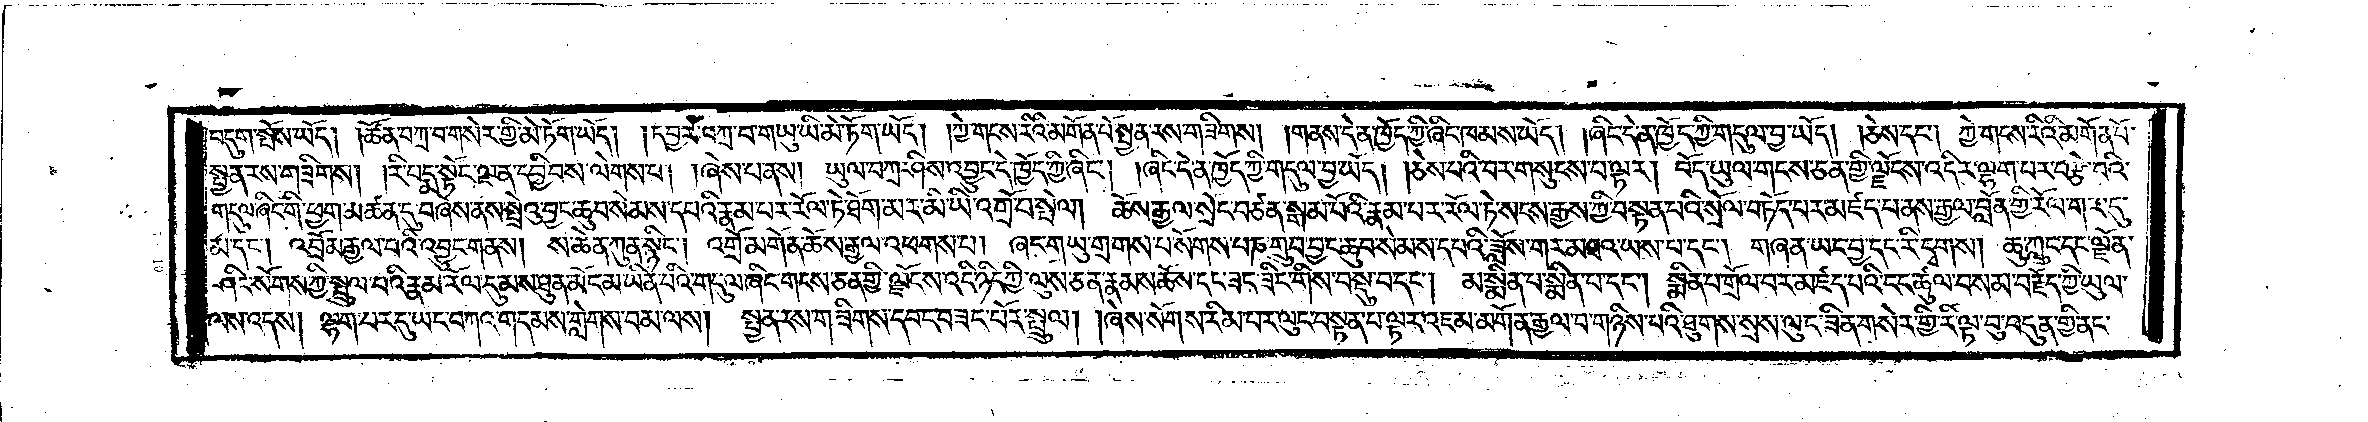བདུག་སྤོས་ཡོད། །ཚོན་བཀྲ་བ་གསེར་གྱི་མེ་ཏོག་ཡོད། །དབྱར་བཀྲ་བ་གཡུ་མེ་ཏོག་ཡོད། །ཀྱེ་གངས་རིའི་མགོན་པོ་སྤྱན་རས་གཟིགས། །གནས་དེ་ན་ཁྱོད་ཀྱི་ཞིང་ཁམས་ཡོད། །ཞིང་དེ་ན་ཁྱོད་ཀྱི་གདུལ་བྱ་ཡོད། །ཅེས་དང་། ཀྱེ་གངས་རིའི་མགོན་པོ་
སྤྱན་རས་གཟིགས། །རི་པདམ་སྟོང་ལྡན་དབྱིབས་ལེགས་པ། །ཞེས་པ་ནས། ཡུལ་བཀྲ་ཤིས་འབྱུང་དེ་ཁྱོད་ཀྱི་ཞིང་། །ཞིང་དེ་ན་ཁྱོད་ཀྱི་གདུལ་བྱ་ཡོད། །ཅེས་པའི་བར་གསུངས་པ་ལྟར། བོད་ཡུལ་གངས་ཅན་གྱི་ལྗོངས་འདིར་ལྷག་པར་བརྩེ་བའི་
གདུལ་ཞིང་གི་ཕྱག་མཚན་དུ་བཞེས་ནས་སྤྲེའུ་བྱང་ཆུབ་སེམས་དཔའི་རྣམ་པར་རོལ་ཏེ་ཐོག་མར་མི་ཡི་འགྲོ་བ་སྤེལ། ཆོས་རྒྱལ་སྲོང་བཙན་སྒམ་པོའི་རྣམ་པར་རོལ་ཏེ་སངས་རྒྱས་ཀྱི་བསྟན་པའི་སྲོལ་བཏོད་པར་མཛད་པ་ནས་རྒྱལ་བློན་གྱི་རོལ་གར་དུ་
མ་དང་། འབྲོམ་རྒྱལ་བའི་འབྱུང་གནས། ས་ཆེན་ཀུན་སྙིང་། འགྲོ་མགོན་ཆོས་རྒྱལ་འཕགས་པ། ཞང་གཡུ་གྲགས་པ་སོགས་པཎ་གྲུབ་བྱང་ཆུབ་སེམས་དཔའི་ཟློས་གར་མཐའ་ཡས་པ་དང་། གཞན་ཡང་བྱ་དང་རི་དྭགས། ཆུ་ཀླུང་དང་ལྗོན་
ཤིང་སོགས་ཀྱི་སྤྲུལ་པའི་རྣམ་རོལ་དུ་མས་ཐུན་མོང་མ་ཡིན་པའི་གདུལ་ཞིང་གངས་ཅན་གྱི་ལྗོངས་འདི་ཉིད་ཀྱི་ལུས་ཅན་རྣམས་ཆོས་དང་ཟང་ཟིང་གིས་བསྡུ་བ་དང་། མ་སྨིན་པ་སྨིན་པ་དང་། སྨིན་པ་གྲོལ་བར་མཛད་པའི་ངང་ཚུལ་བསམ་བརྗོད་ཀྱི་ཡུལ་
ལས་འདས། ལྷག་པར་དུ་ཡང་བཀའ་གདམས་གླེགས་བམ་ལས། སྤྱན་རས་གཟིགས་དབང་བཟང་པོར་སྤྲུལ། །ཞེས་སོགས་རིམ་པར་ལུང་བསྟན་པ་ལྟར་འཇམ་མགོན་རྒྱལ་བ་གཉིས་པའི་ཐུགས་སྲས་ལུང་ཟིན་གསེར་གྱི་རི་ལྟ་བུ་བདུན་གྱི་ནང་